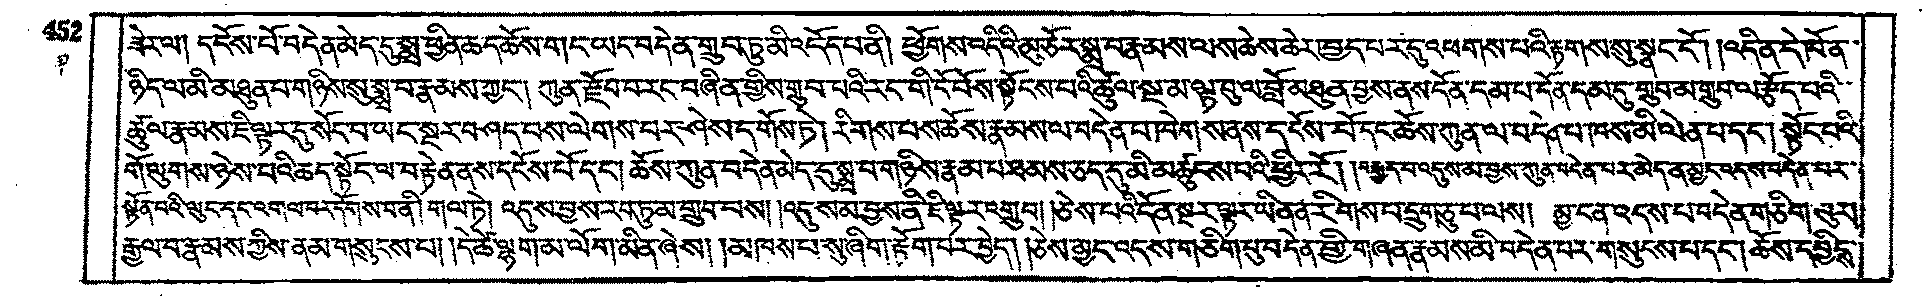ཟེར་ལ། དངོས་པོ་བདེན་མེད་དུ་སྨྲ་ཕྱིན་ཆད་ཆོས་གང་ཡང་བདེན་གྲུབ་ཏུ་མི་འདོད་པ་ནི། ཕྱོགས་འདིའི་མུ་ཅོར་སྨྲ་བ་རྣམས་ལས་ཆེས་ཆེར་ཁྱད་པར་དུ་འཕགས་པའི་རྟགས་སུ་སྣང་ངོ། །འདི་ན་དེ་ཁོ་ན་
ཉིད་ལ་མི་མཐུན་པ་གཉིས་སུ་སྨྲ་བ་རྣམས་ཀྱང་། ཀུན་རྫོབ་པ་རང་བཞིན་གྱིས་གྲུབ་པའི་རང་གི་ངོ་བོས་སྟོངས་པའི་ཚུལ་སྔ་མ་ལྟ་བུ་ལ་བློ་མཐུན་བྱས་ནས་དོན་དམ་པ་དོན་དམ་དུ་གྲུབ་མ་གྲུབ་ལ་རྩོད་པའི་
ཚུལ་རྣམས་ཇི་ལྟར་དུ་སོང་བ་ཡང་སྔར་བཤད་པས་ལེགས་པར་ཤེས་དགོས་ཏེ། རིགས་པས་ཆོས་རྣམས་ལ་བདེན་པ་ཁེགས་ནས་དངོས་པོ་དང་ཆོས་ཀུན་ལ་བདེན་པ་ཁས་མི་ལེན་པ་དང་། སྟོང་པའི་
གོ་ལུགས་ཉེས་པའི་ཆད་སྟོང་ལ་བརྟེན་ནས་དངོས་པོ་དང་། ཆོས་ཀུན་བདེན་མེད་དུ་སྨྲ་བ་གཉིས་རྣམ་པ་ཐམས་ཅད་དུ་མི་མཚུངས་པའི་ཕྱིར་རོ། །བརྒྱད་པ་འདུས་མ་བྱས་ཀུན་བདེན་པར་མེད་ན་མྱང་འདས་བདེན་པར་
སྟོན་པའི་ལུང་དང་འགལ་བར་དོགས་པ་ནི། གལ་ཏེ། འདུས་བྱས་རབ་ཏུ་མ་གྲུབ་པས། །འདུས་མ་བྱས་ནི་ཇི་ལྟར་འགྲུབ། །ཅེས་པའི་དོན་སྔར་ལྟར་ཡིན་ན་རིགས་པ་དྲུག་ཅུ་པ་ལས། མྱ་ངན་འདས་པ་བདེན་གཅིག་པུར།
རྒྱལ་བ་རྣམས་ཀྱིས་ནམ་གསུངས་པ། །དེ་ཚེ་ལྷག་མ་ལོག་མིན་ཞེས། །མཁས་པ་སུ་ཞིག་རྟོག་པར་བྱེད། །ཅེས་མྱང་འདས་གཅིག་པུ་བདེན་གྱི་གཞན་རྣམས་མི་བདེན་པར་གསུངས་པ་དང་། ཆོས་དབྱིངས་